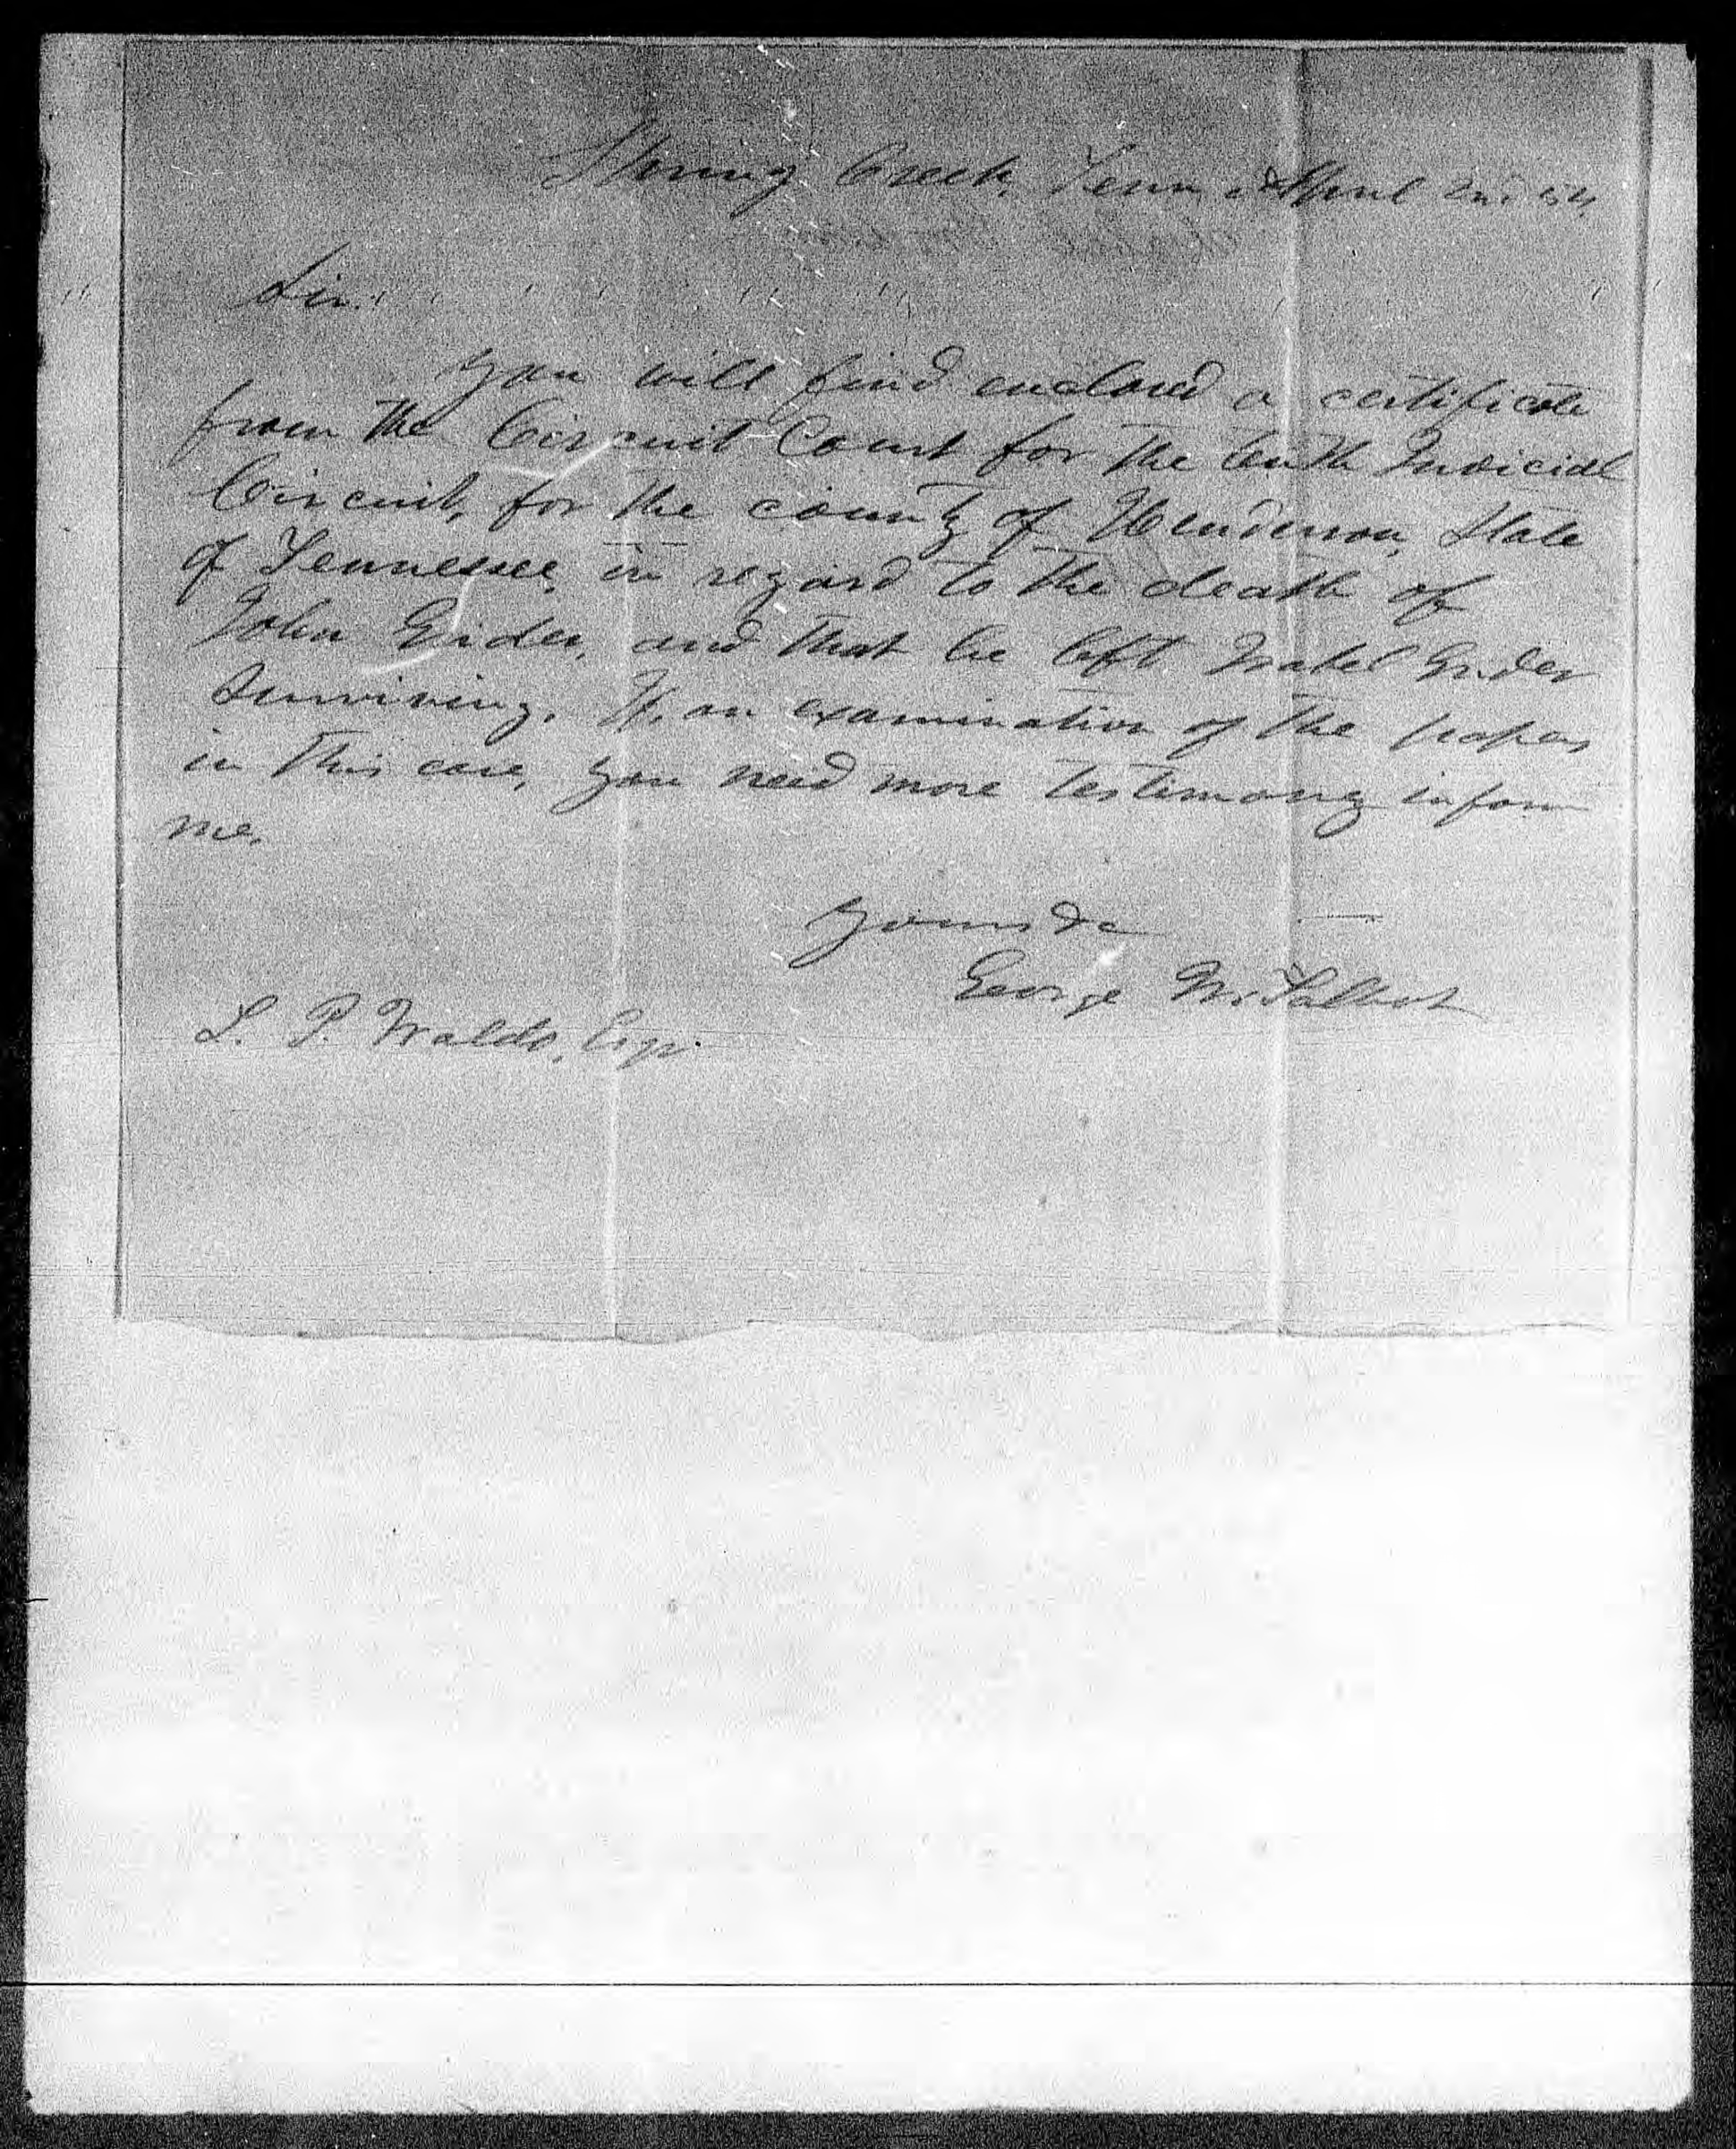Spring Creek, Tenn April 2nd 53

Sir,

You will find enclosed a certificate from the Circuit Court for the tenth Judicial Circuit, for the County of Henderson, State of Tennessee  in regard to the death of John Grider and that he left Isabel Grider surviving. If on examination of the papers in this case, you need more testimony inform me.  

Yours Jc
George W. Talbot

L. P. Waldo Esq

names: John Grider, L P Waldo, Isabel Grider, George W Talbot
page: 49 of 91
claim: widow's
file: W 358, John Grider, N.C.